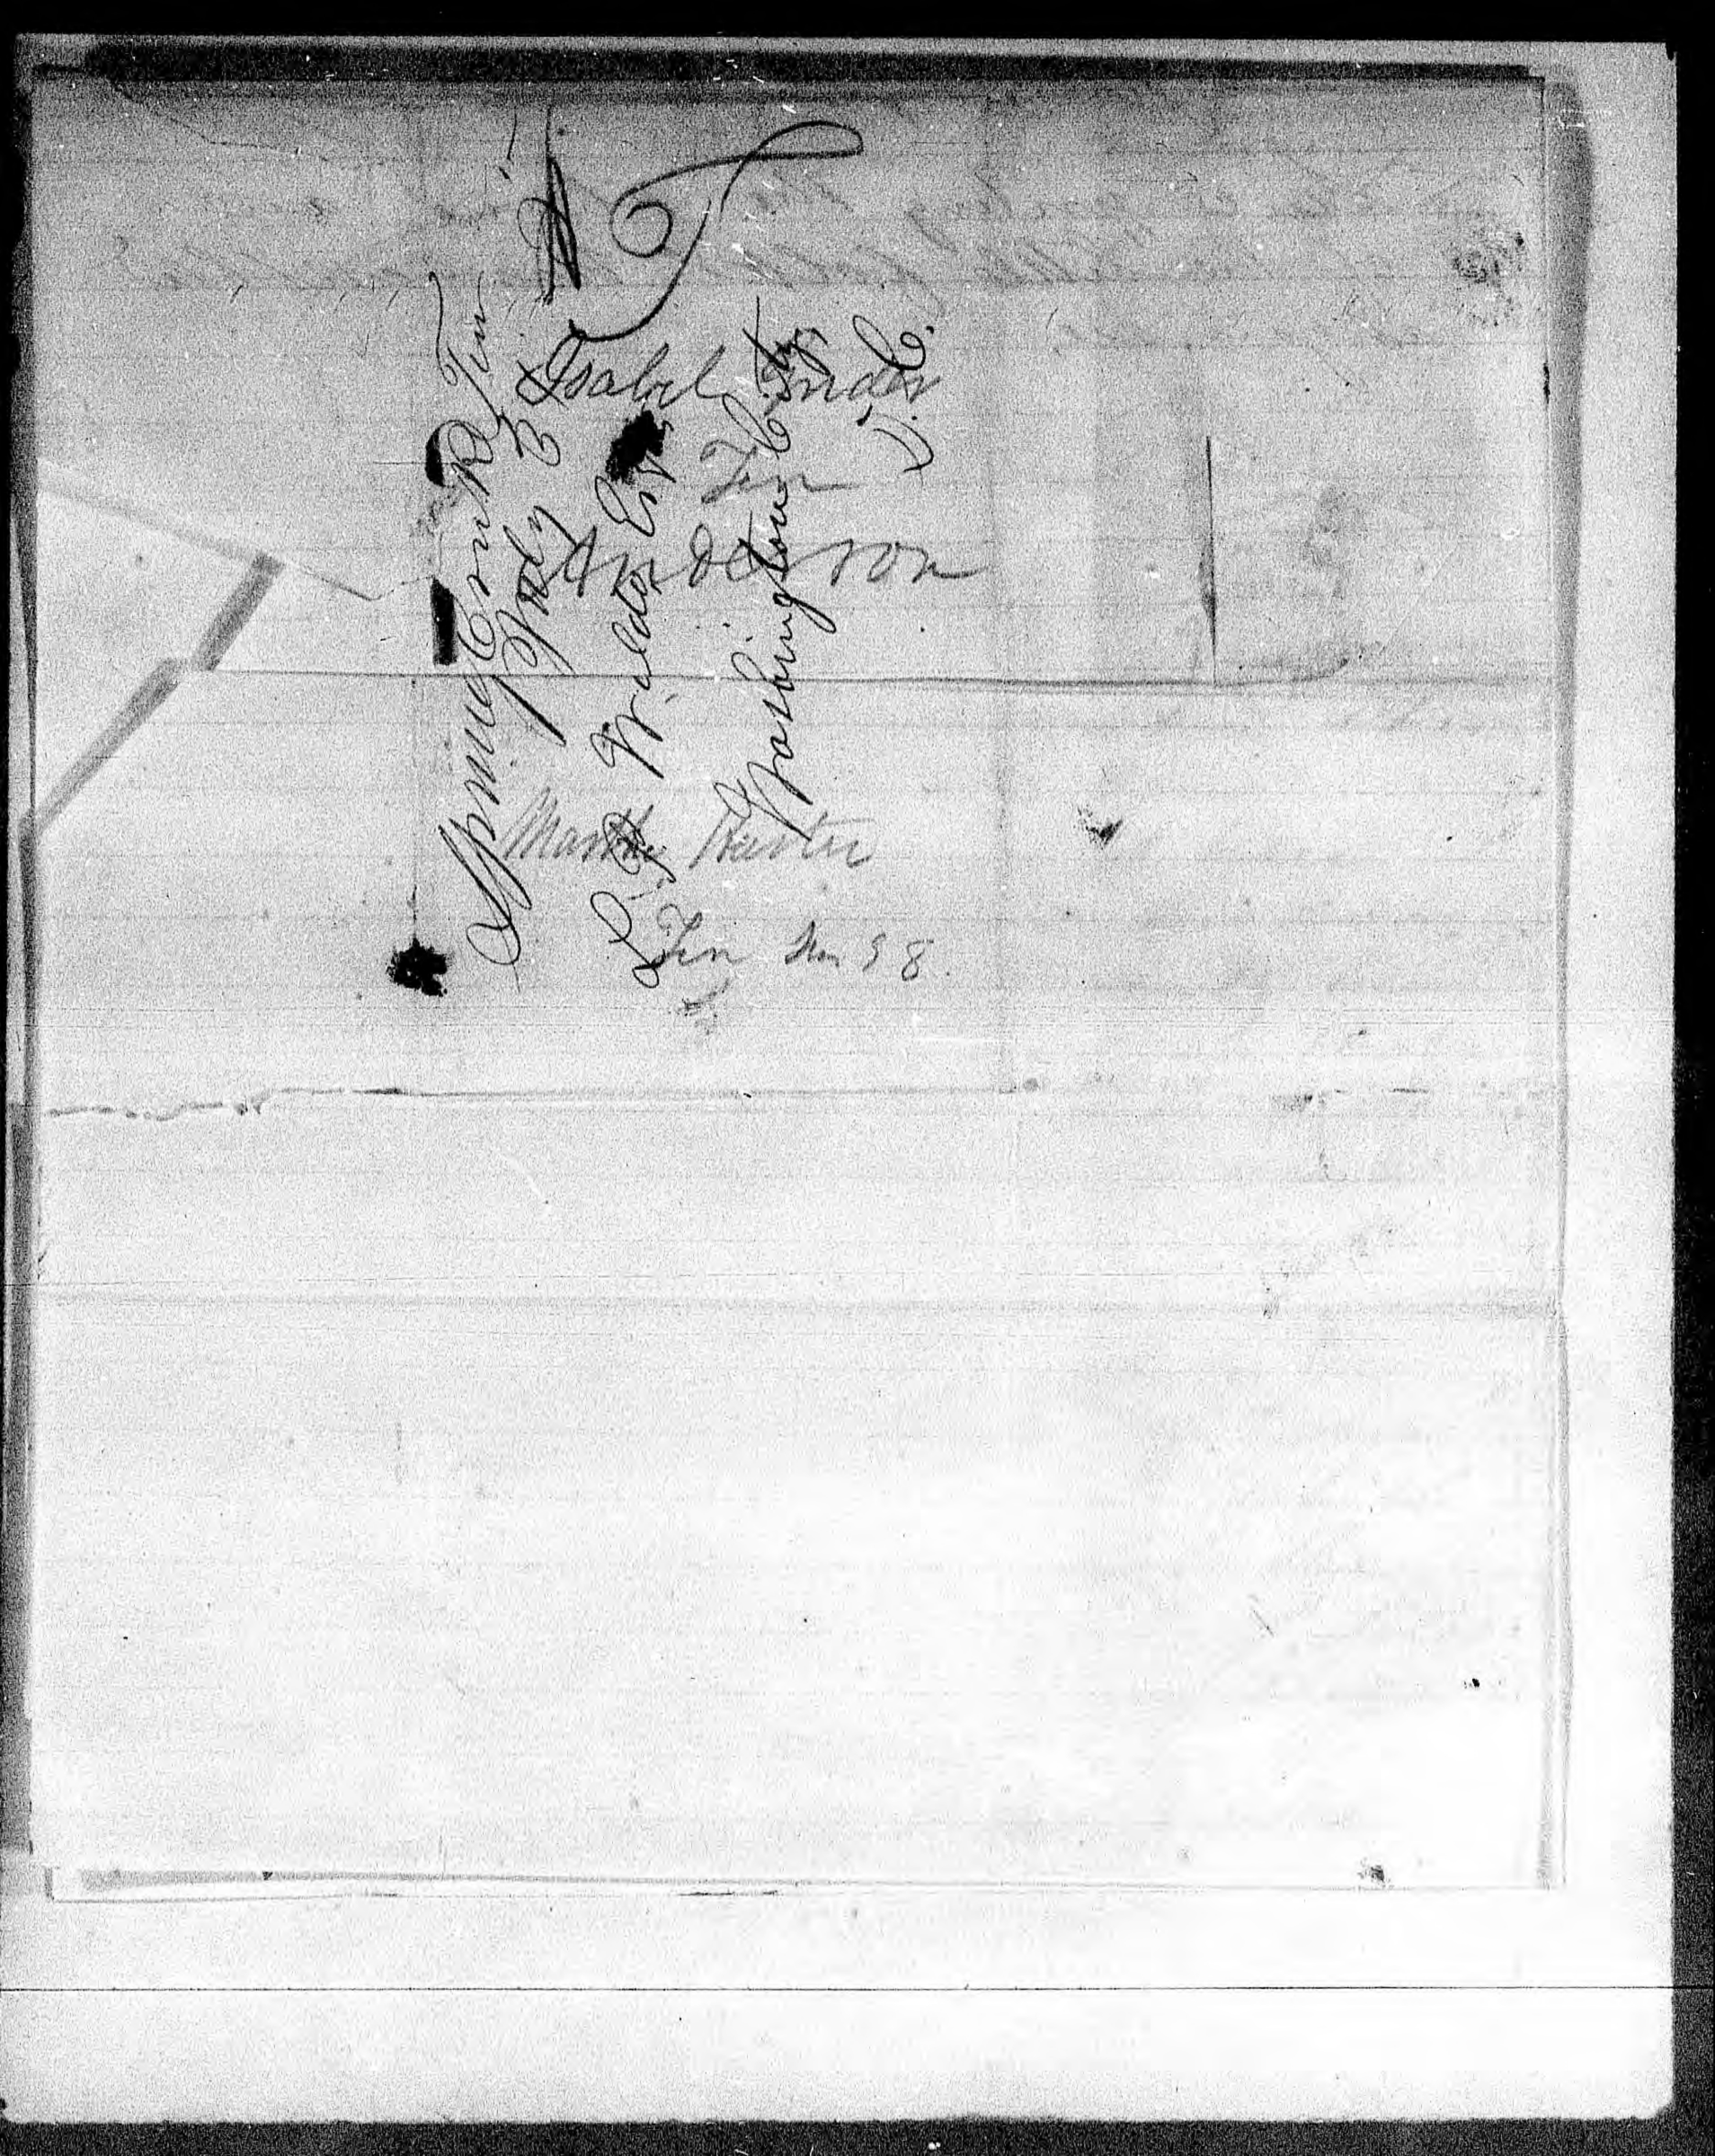Isable Grider
Ten
Anderson

Martha Haster

Ten 38
Spring Creek Ten
July 31

L.P. Waldo
Washington City
D.C.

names: Isabel Grider, L P Waldo, Marthe Haster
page: 61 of 91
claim: widow's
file: W 358, John Grider, N.C.